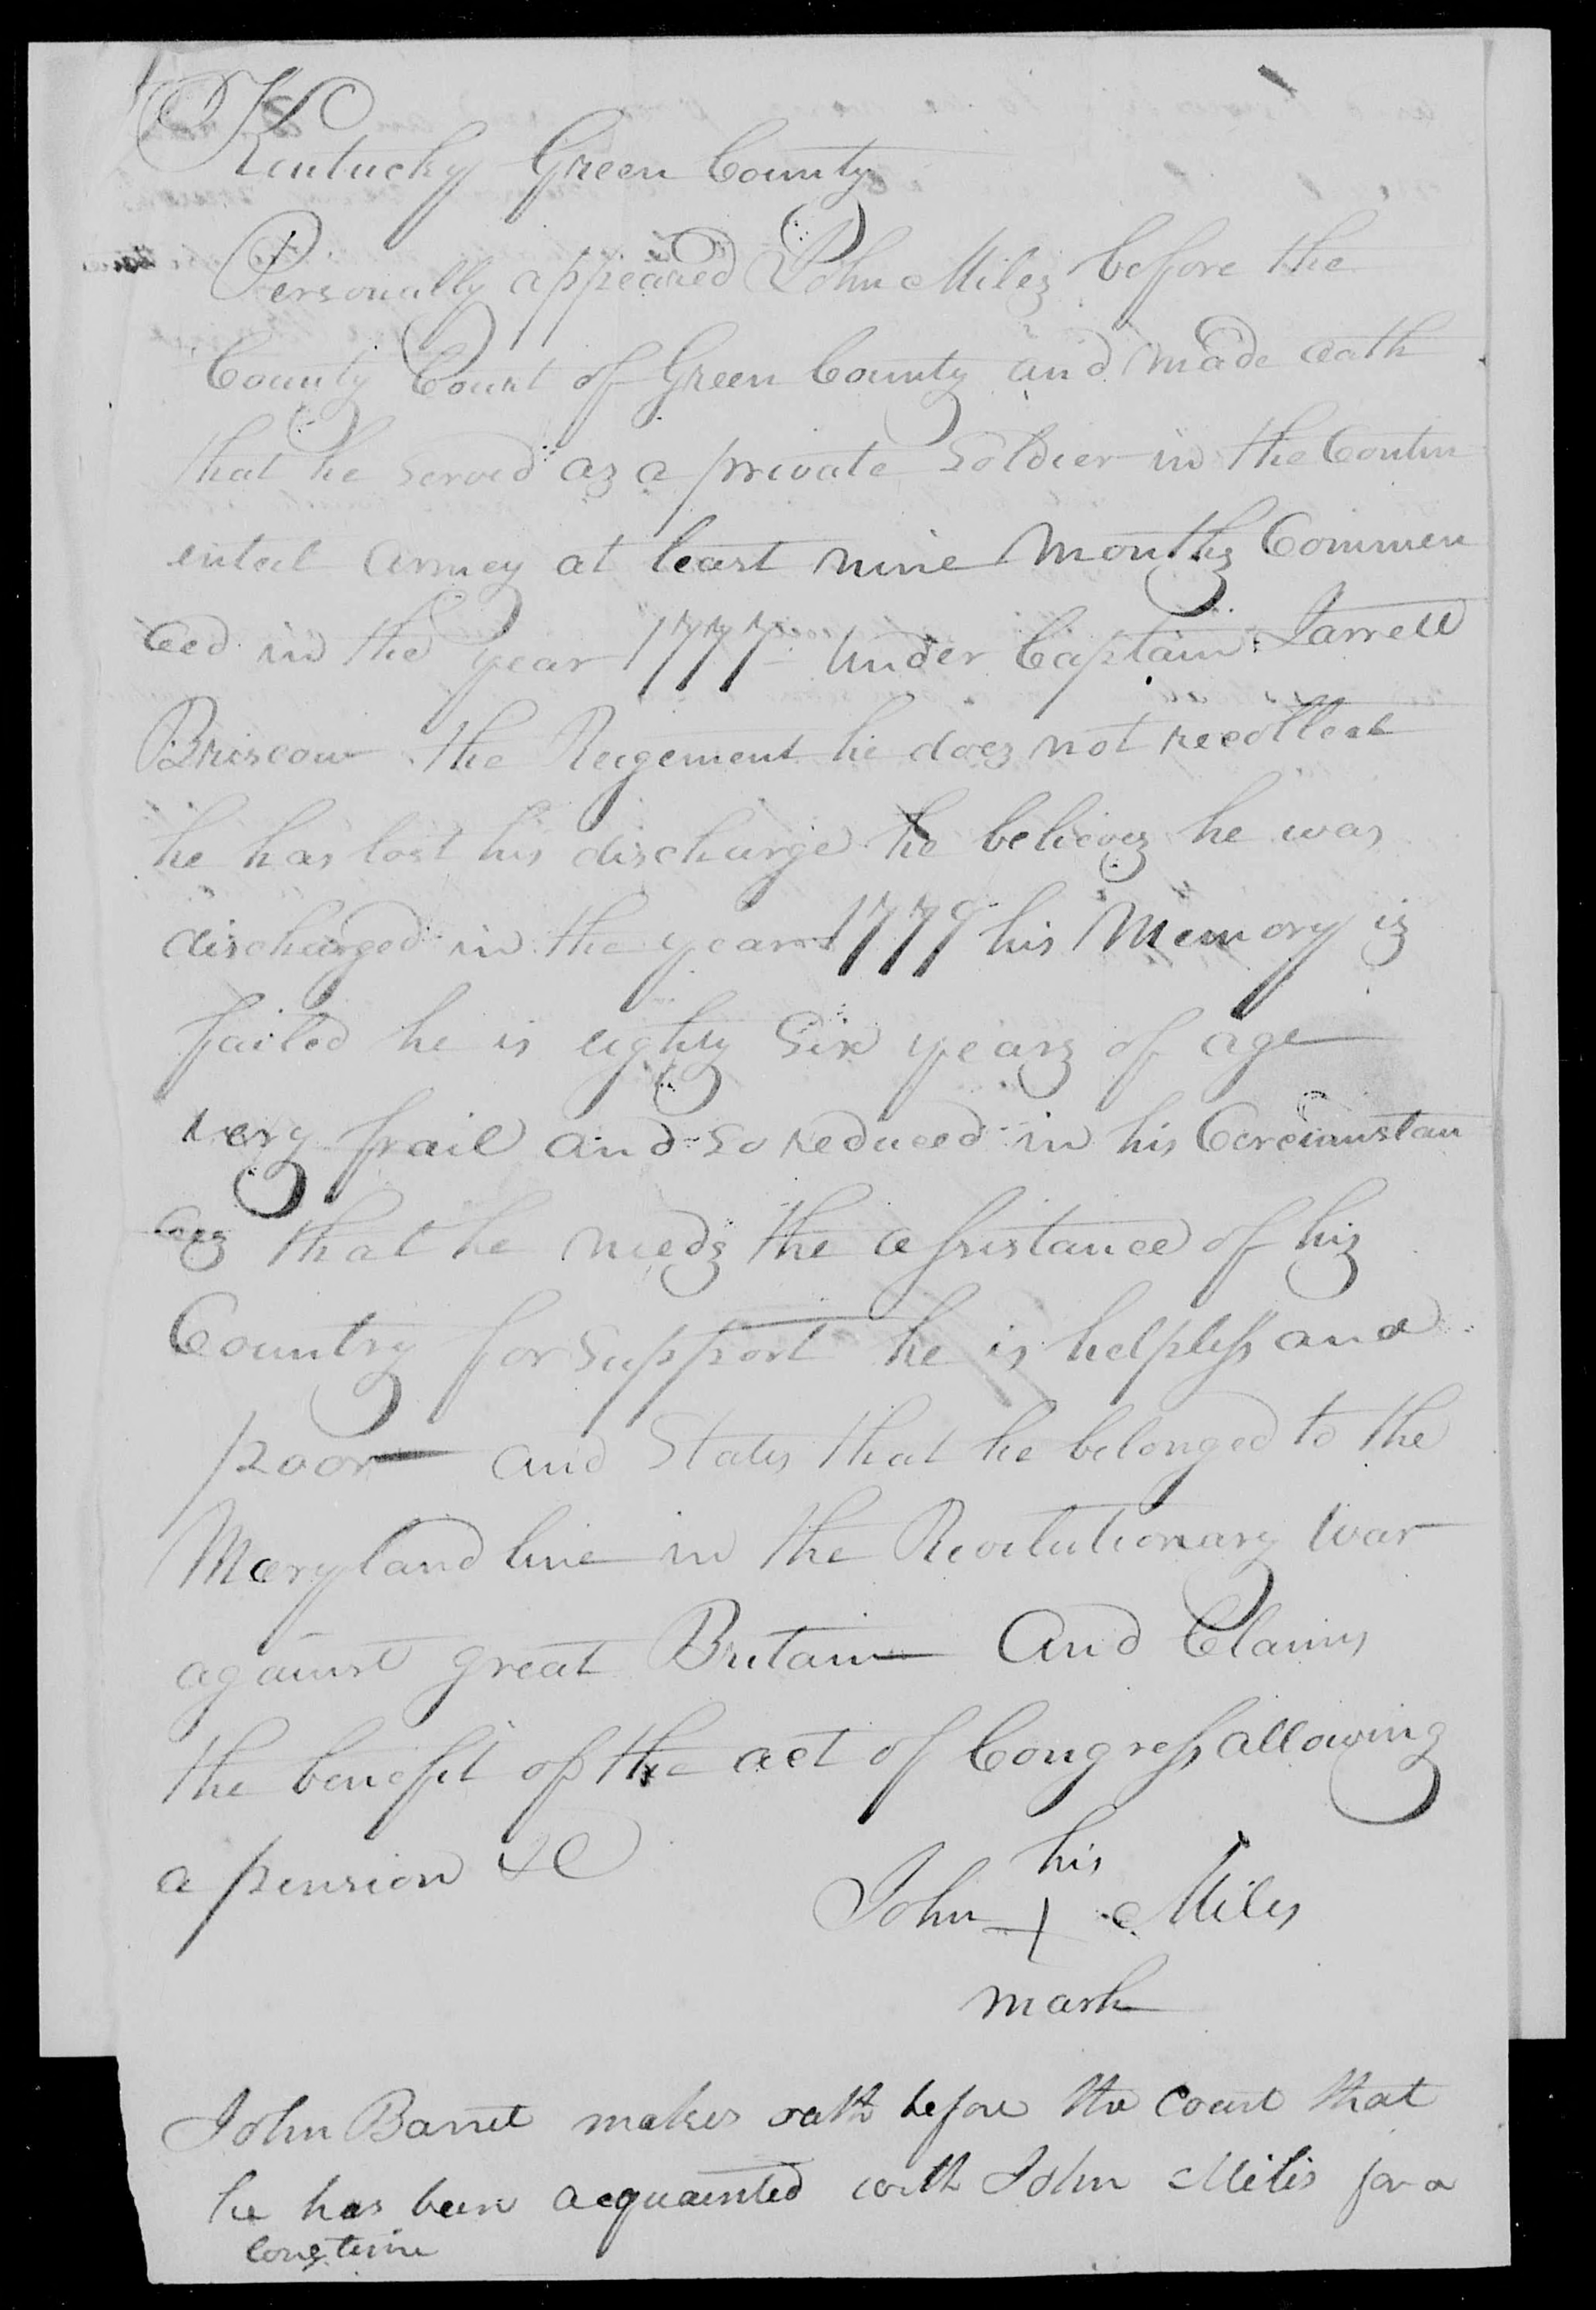Kentucky Green County
Personally appeared John Miles before the County Court of Green County and made oath that he served as a private soldier in the continental army at least nine months commenced in the year 1777 under Captain Jarret Briscow the Regiment he does not recollect he has lost his discharge he believes he was discharged in the year 1779 his memory is failed and so reduced in his circumstances that he needs the assistance of his country for support he is helpless and poor and states the he belonged to the Maryland line in the Revolutionary war against great Britain and claims the benefit of the act of Congress allowing a pension [?]

John [his x mark] Miles

John Barret makes oath before the court that he has been acquainted with John Miles for a long time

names: Jarrett Briscow; John Miles; John Barret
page: 23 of 24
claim: survivor's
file: S 36138, for John Miles, Maryland